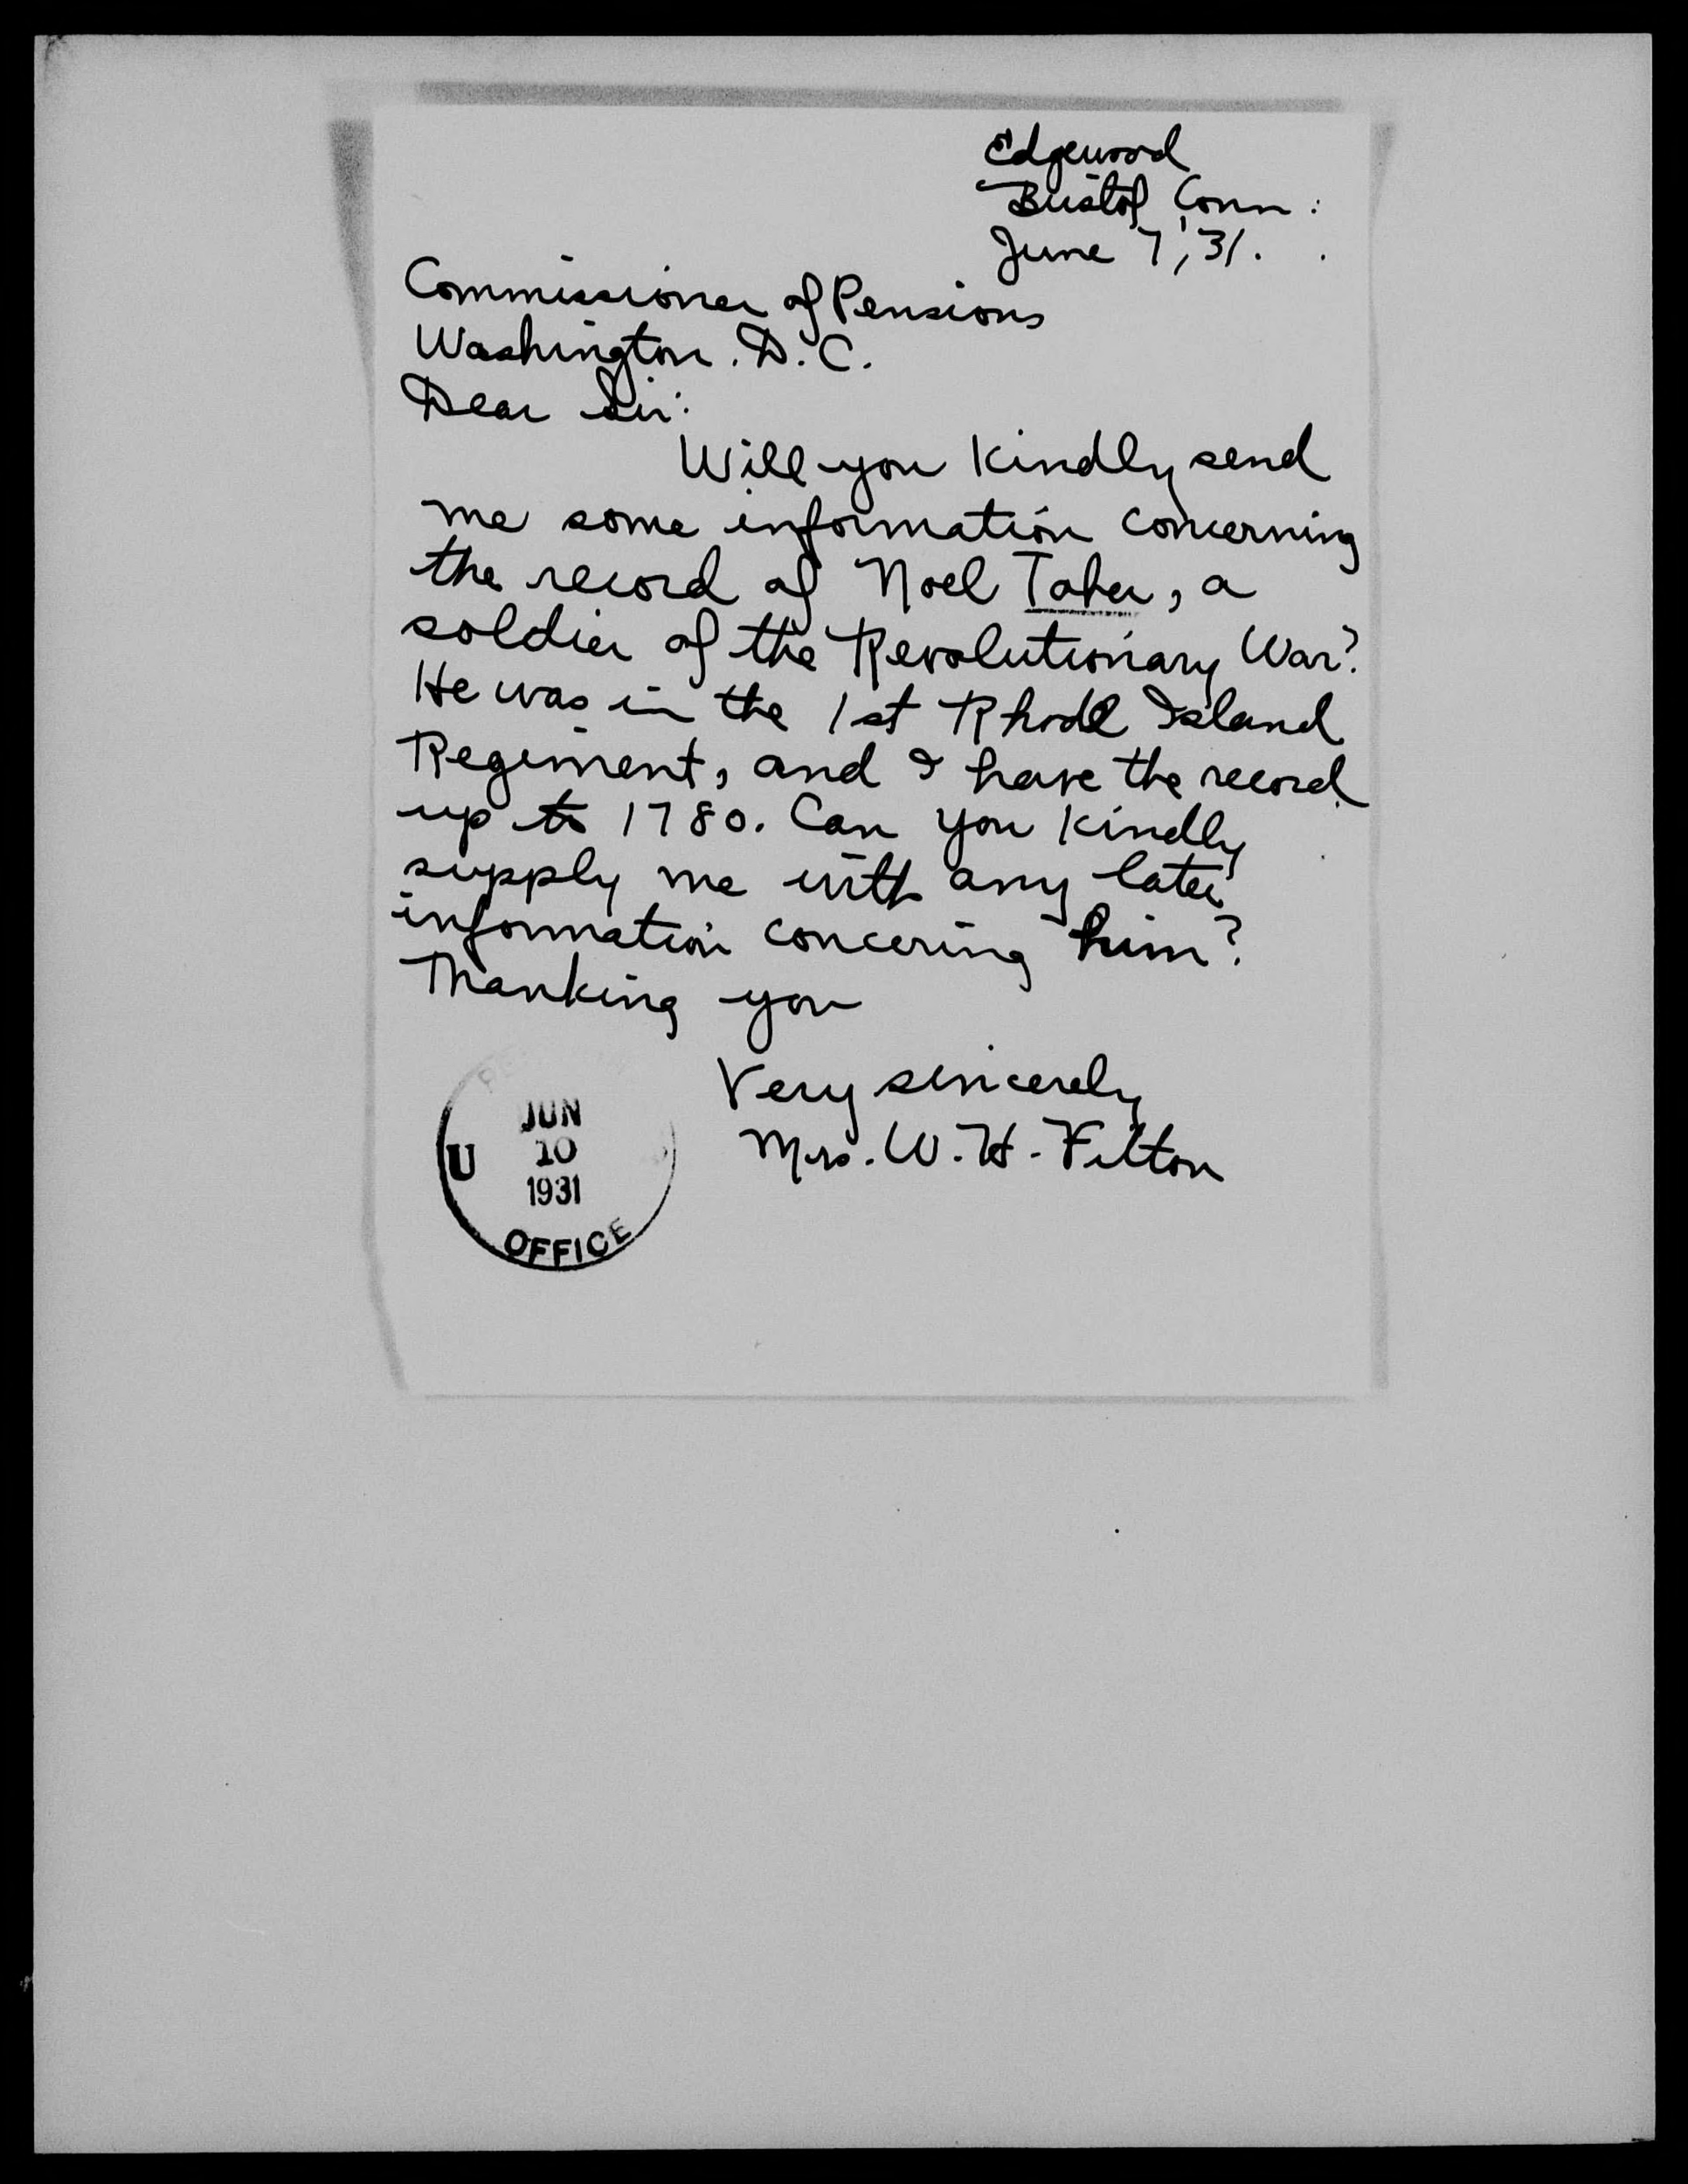Edgewood
Bristol Conn
June 7, "31
Commission of Pensions
Washington D C 
Dear Sir 
Will you kindly send
me some information
concerning
the record of Noel Taber, a
soldier of the Revolutionary War?
He was in the 1st Rhode Island
Regiment, and I have the record
up to 1780. Can you kindly
supply me with any later information concerning him?
Thanking you
Very sincerely
Mrs. W. H. Filton
[stamped seal] PROVIDENCE JUN 10 1932 U [illegible] OFFICE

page: 19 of 22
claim: survivor's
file: S 33777, for Noel Taber, Rhode Island